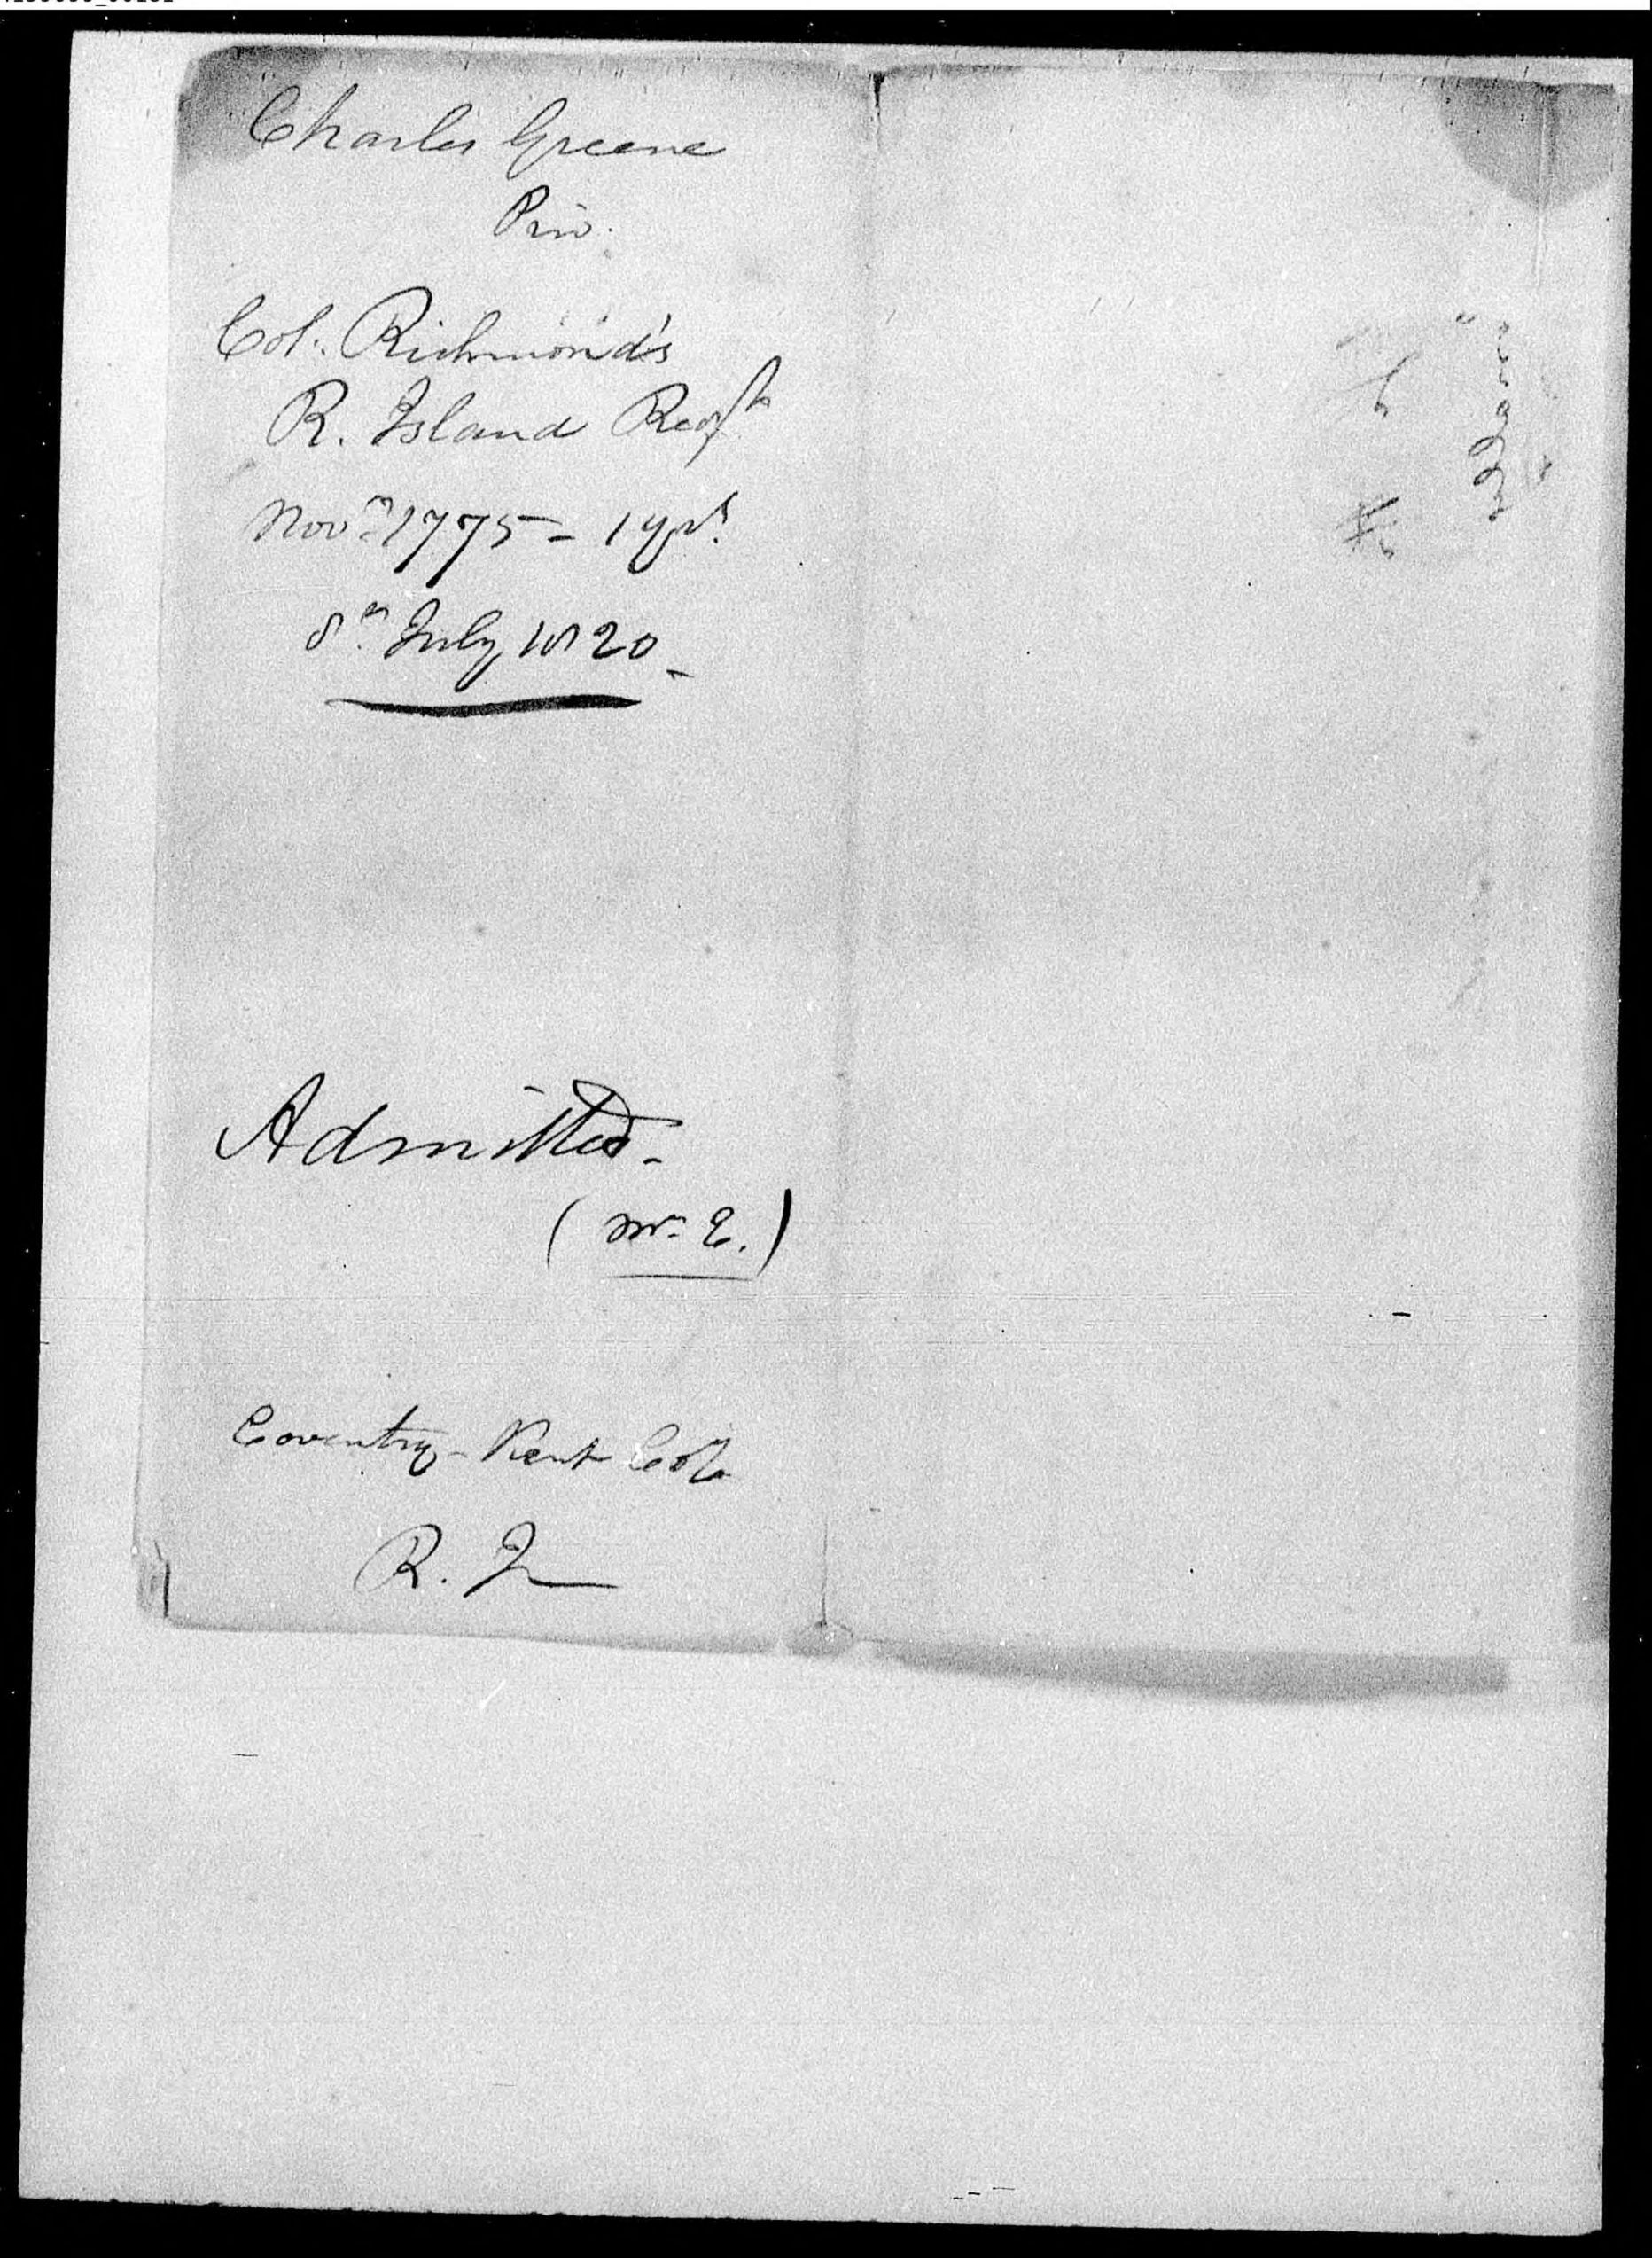Charles Greene
Paris
Gov. Richarinds
R. Homa Raphl
Nov.775-14
s.m July in in 20
Admited
(Nov.6.)
Couentry- rend Gon
R.L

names: Charles Greene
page: 9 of 20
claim: survivor's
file: S. 38755, Charles Greene, R.I.